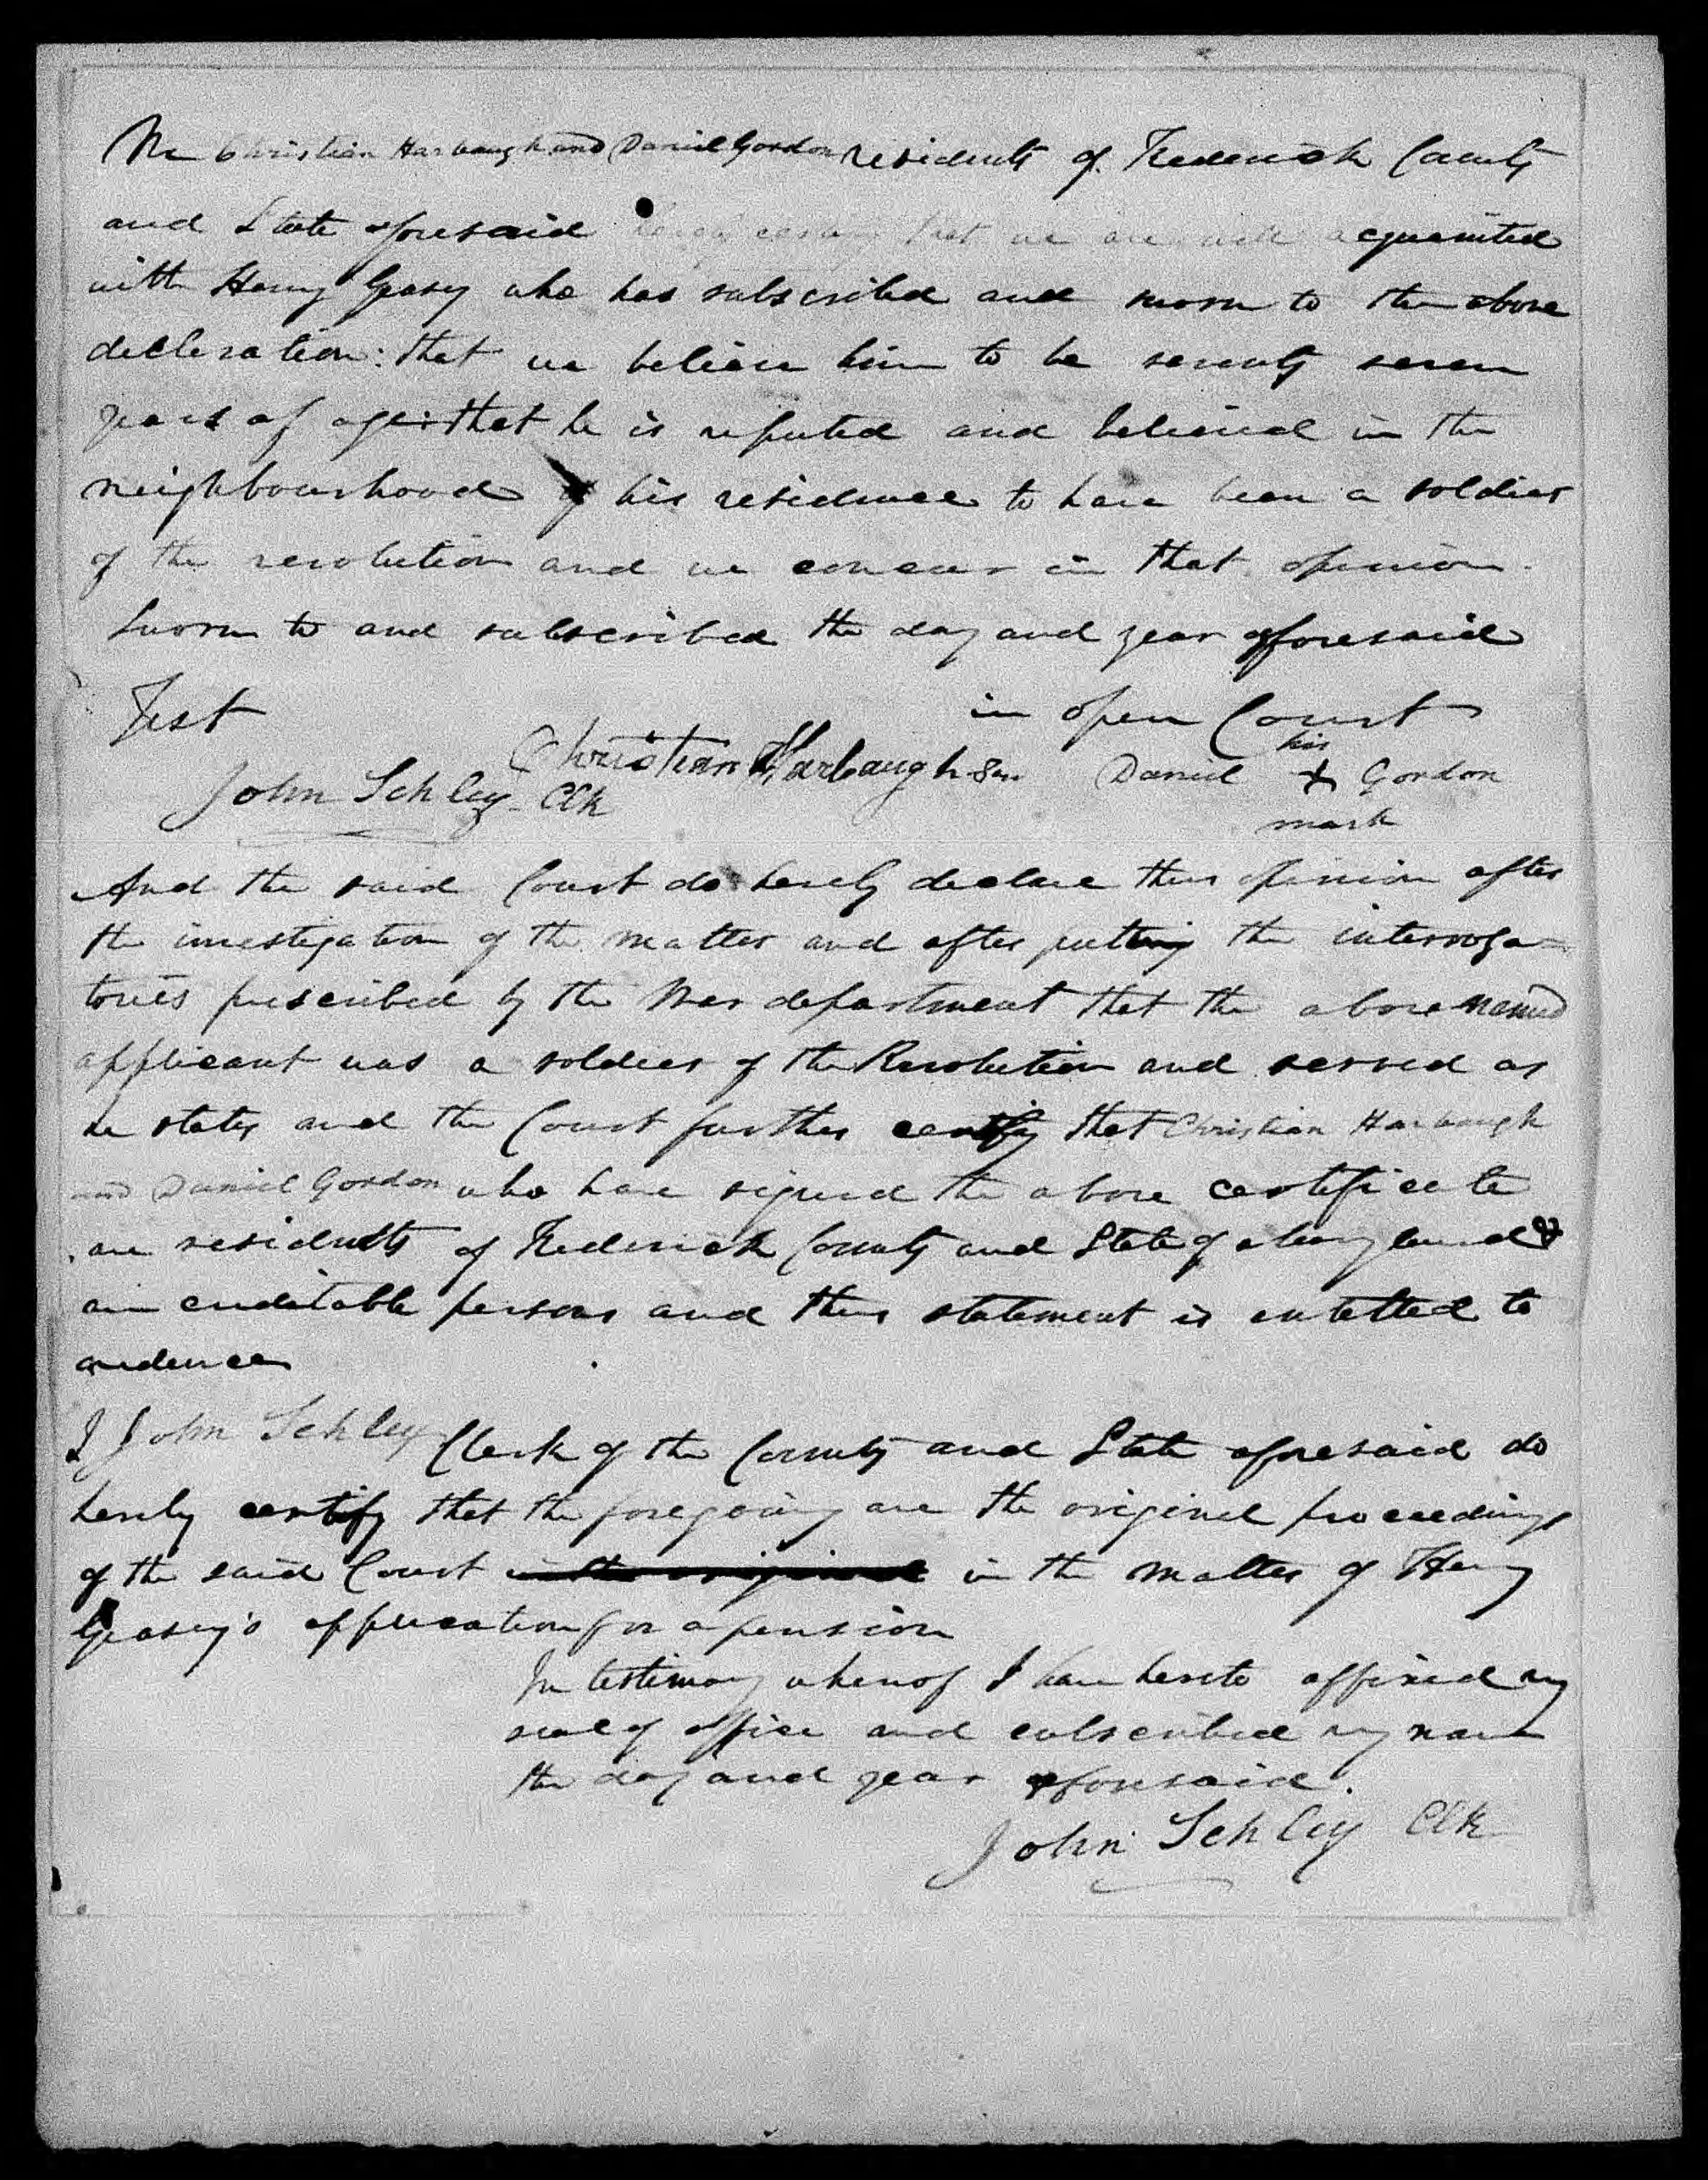We Christian Harbaugh and Daniel Gordon residents of Frederick County
and State aforesaid hereby certify that we are well acquainted
with Henry Geasey who has subscribed and sworn to the above
declaration: that we believe him to be seventy seven
years of age: that he is reputed and believed in the
neighborhood of his residence to have been a solider
of the revolution and we concur in that opinion.

Sworn to and subscribed the day and year aforesaid
in open Court

[illegible] Christian Harbaugh  Daniel X his mark Gordon
John Schley Clk

And the said Court do hereby declare their opinion after
the investigation of the matter and after putting the interroga-
tories prescribed by the War department that the above named
applicant was a soldier of the Revolution and served as
he states and the Court further certify that Christian Harbaugh
and Daniel Gordon who have signed the above certificate
are residents of Frederick County and State of Maryland &
are creditable persons and their statement is entitled to
credence

I John Schley Clerk of the County and State aforesaid do
hereby certify that the foregoing are the original proceedings
of the said Court [words scratched out] in the matter of Henry
Geasey's application for a pension.

In testimony whereof I have hereto affixed my
seal of office and subscribed my name
the day and year aforesaid.
John Schley Clk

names: Christian Harbaugh, John Schley, Daniel Gordon, Henry Geary, Daniel Gordon, Christian Harbaugh, Christian Harbaugh, Daniel Gordon, Henry Gearey, John Schley, John Schley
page: 6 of 11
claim: survivor's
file: S. 8554, Henry Geasey, Md.